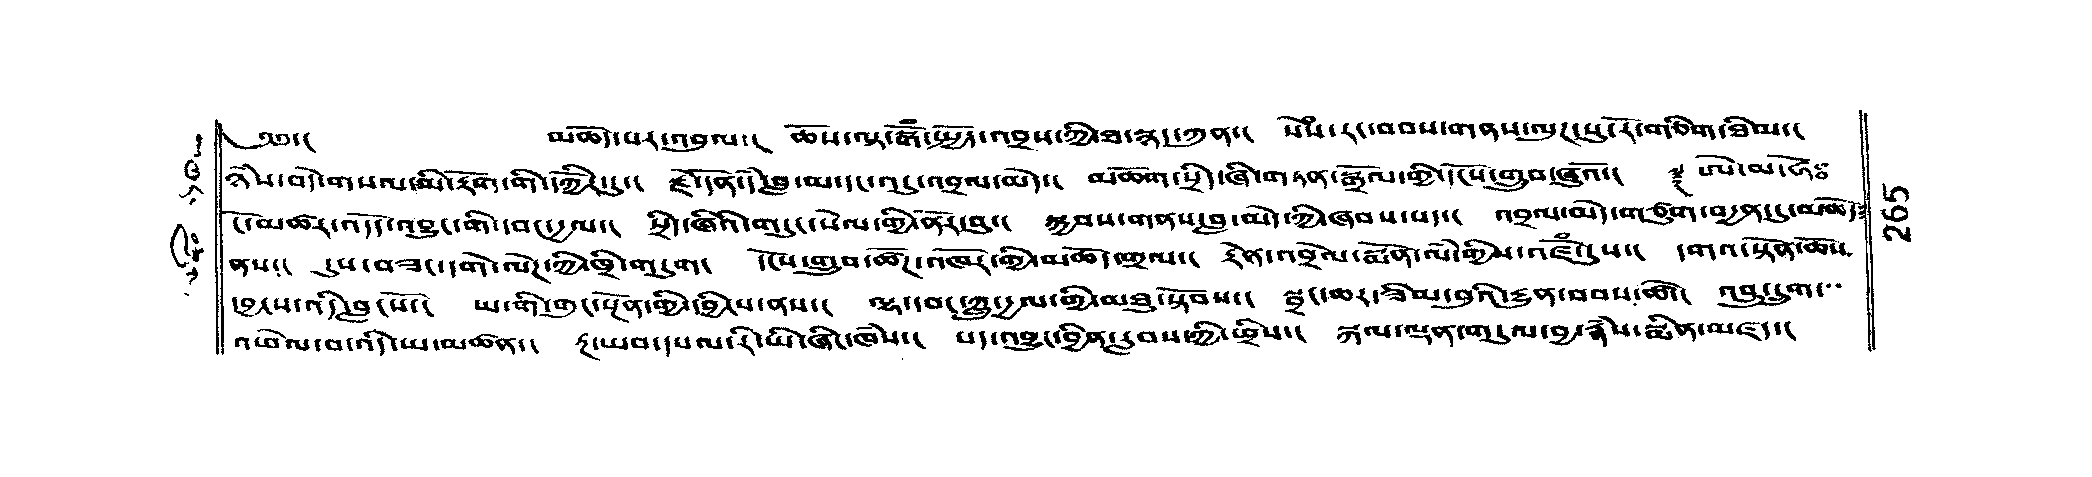མཆོད་པར་འབུལ། །ཆོས་ལྟ་སྒོམ་སྤྱོད་འབྲས་ཀྱི་ཐ་སྙད་ཀུན། །སེམས་རང་བབས་གནས་ལུགས་སུ་རོ་གཅིག་ཐིམ། །
ཉམས་བདེ་གསལ་མི་རྟོག་གི་དཀྱིལ་འཁོར་དུ། །རྗེ་དོན་དམ་བླ་མ་དང་འདུ་འབྲལ་མེད། །མཆོག་སྲིད་ཞི་གཏན་སྒྲོལ་གྱི་དངོས་གྲུབ་ཞུའོ།། ༈ ཨེ་མ་ཧོཿ 
ངོ་མཚར་འདོད་འབྱུང་གི་དབང་རྒྱལ། །སྲིད་ཞིའི་གདུང་སེལ་གྱི་ནོར་བུ། །སྐྱབས་གནས་བླ་མེད་ཀྱི་ཞབས་པད།འབྲལ་མེད་གཙུག་རྒྱན་དུ་མཆོད་
ནས། །དུས་བཟང་དགེ་ལེགས་ཀྱི་ཁྲི་གདུགས། །དངོས་གྲུབ་ཚོགས་འཁོར་གྱི་མཆོད་གྲལ། །རྟེན་འབྲེལ་སྨོན་ལམ་གྱིས་འཛོམ་དུས། །དགའ་སྟོན་ཆོས་
དབྱངས་འདི་བླངས་སོ། ཡ་གི་གུང་སྔོན་གྱི་དབྱིངས་ནས། །ལྷ་དབང་ཀླུ་རྒྱལ་གྱི་མཐུ་སྟོབས། །སྦྲང་ཆར་ཟིམ་བུའི་རྒྱུན་བབས་ཚེ། །འབྲུ་དྲུག་
འཕེལ་བ་འདི་ཡ་མཚན། །རྔ་ཡབ་དཔལ་རི་ཡི་ཞིང་ཁམས། །པད་འབྱུང་བྱིན་རླབས་ཀྱི་ཕྲིན་ལས། །སྐལ་ལྡན་གདུལ་བྱ་རྣམས་སྨིན་མཛད།